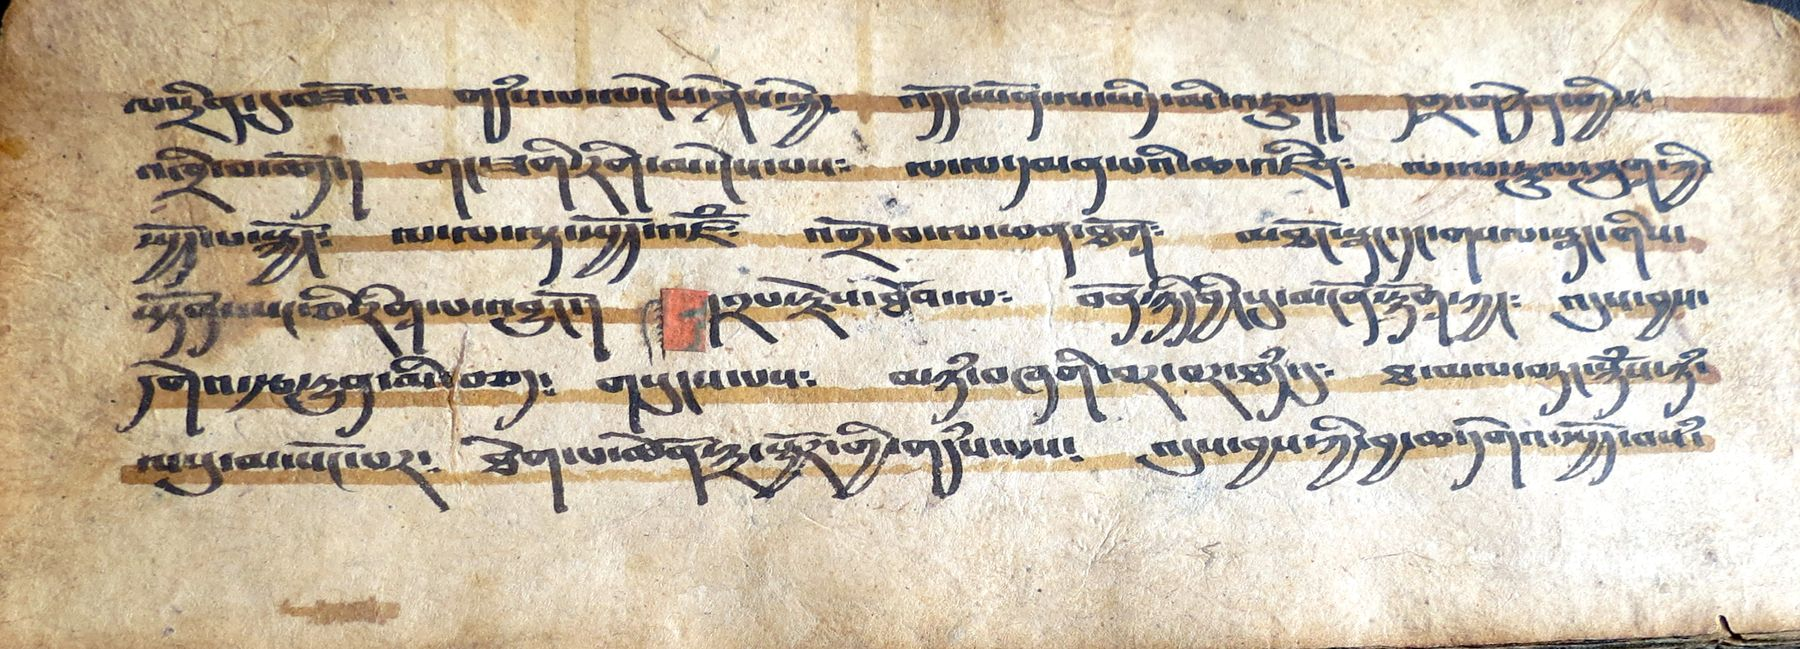ལ་དྲིན་དུ་བཟོ། གདམས་པ་ལ་ངེས་ཤེས་སྐྱེ། འདོད་ཡོན་ལ་ཡིད་མི་འཇུག དགྲ་གཉེན་གྱི་
འཁྲི་བ་ཆོད། གང་ཟག་གི་རིགས་མ་ངེས་པས། ལ་ལས་དམན་པའི་ཆ་འཛིན། ལ་ལས་བརྟུལ་ཤུགས་ཀྱི་
སྤྱོད་པ་སྐྱོང་། ལ་ལས་ལྟ་སྤྱོད་འཛོམ་སྟེ་འགྲོ་བ་ལ་ཕན་ཐོགས། མཐོང་སྣང་དང་གསལ་སྣང་གི་
ཡོན་ཏན་ཀྱང་ཅི་རིགས་པར་འབྱུང་ངོ་། ། གཉིས་པ་རྗེས་ཤེས་ལ། བོན་ཉིད་དབྱིངས་སུ་མངོན་རྟོགས་ཀྱང་། འདུས་བྱས་
དགེ་རྩ་རྒྱུན་མི་བཅད། གསུངས་པས། མཉམ་བཞག་གི་བར་བར་ཐམས་ཅད་དུ། ཐ་མལ་སྙོམས་
ལས་སུ་མ་སོང་བར། ཐེག་པ་ཆེན་པོ་གསུམ་སྦྱོར་གྱི་གདམས་པས། འདུས་བྱས་ཀྱི་བྱ་ཆ་དགེ་སྤྱོད་བསམ་